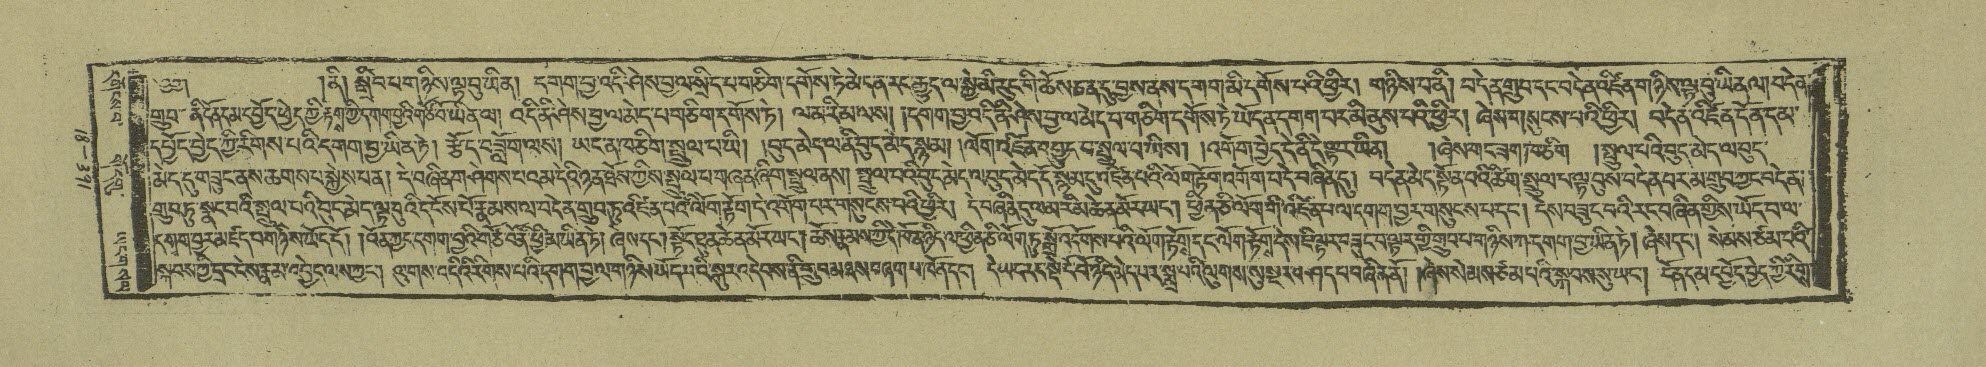༄༅། །ནི། སྒྲིབ་པ་གཉིས་ལྟ་བུ་ཡིན། དགག་བྱ་འདི་ཤེས་བྱ་ལ་སྲིད་པ་གཅིག་དགོས་ཏེ་མེད་ན་རང་རྒྱུད་ལ་སྐྱེ་མི་རུང་གི་ཆོས་ཅན་དུ་བྱས་ནས་དགག་མི་དགོས་པའི་ཕྱིར། གཉིས་པ་ནི། བདེན་གྲུབ་དང་བདེན་འཛིན་གཉིས་ལྟ་བུ་ཡིན་ལ། བདེན་
གྲུབ་ནི་དོན་དམ་དཔྱོད་བྱེད་ཀྱི་རྟགས་ཀྱི་དགག་བྱའི་གཙོ་བོ་ཡིན་ལ། འདི་ནི་ཤེས་བྱ་ལ་མེད་པ་གཅིག་དགོས་ཏེ། ལམ་རིམ་ལས། །དགག་བྱ་འདི་ནི་ཤེས་བྱ་ལ་མེད་པ་གཅིག་དགོས་ཏེ་ཡོད་ན་དགག་པར་མི་ནུས་པའི་ཕྱིར། ཞེས་གསུངས་པའི་ཕྱིར། བདེན་འཛིན་དོན་དམ་
དཔྱོད་བྱེད་ཀྱི་རིགས་པའི་དགག་བྱ་ཡིན་ཏེ། རྩོད་བཟློག་ལས། ཡང་ན་ཁ་ཅིག་སྤྲུལ་པ་ཡི། །བུད་མེད་ལ་ནི་བུད་མེད་སྙམ། །ལོག་འཛིན་འབྱུང་བ་སྤྲུལ་པ་ཡིས། །འགོག་བྱེད་དེ་ནི་དེ་ལྟར་ཡིན། །ཞེས་གང་ཟག་ཁ་ཅིག །སྤྲུལ་པའི་བུད་མེད་ལ་བུད་
མེད་དུ་གཟུང་ནས་ཆགས་པ་སྐྱེས་པ་ན། དེ་བཞིན་གཤེགས་པའམ་དེའི་ཉན་ཐོས་ཀྱིས་སྤྲུལ་པ་གཞན་ཞིག་སྤྲུལ་ནས། སྤྲུལ་པའི་བུད་མེད་ལ་བུད་མེད་དོ་སྙམ་དུ་འཛིན་པའི་ལོག་རྟོག་འགོག་པ་དེ་བཞིན་དུ། བདེན་མེད་སྟོན་པའི་ཚིག་སྤྲུལ་པ་ལྟ་བུས་བདེན་པར་མ་གྲུབ་ཀྱང་བདེན་
གྲུབ་ཏུ་སྣང་བའི་སྤྲུལ་པའི་བུད་མེད་ལྟ་བུའི་དངོས་པོ་རྣམས་ལ་བདེན་གྲུབ་ཏུ་འཛིན་པའི་ལོག་རྟོག་དེ་འགོག་པར་གསུངས་པའི་ཕྱིར། དེ་བཞིན་དུ་ལམ་རིམ་ཆེན་མོར་ཡང་། ཕྱིན་ཅི་ལོག་གི་འཛིན་པ་ལ་དགག་བྱར་གསུངས་པ་དང་། དེས་བཟུང་བའི་རང་བཞིན་གྱིས་ཡོད་པ་ལ་
དགག་བྱར་མཛད་པ་གཉིས་ཡོད་དོ། །འོན་ཀྱང་དགག་བྱའི་གཙོ་བོ་ནི་ཕྱི་མ་ཡིན་ཏེ། ཞེས་དང་། སྟོང་ཐུན་ཆེན་མོར་ཡང་། ཆོས་རྣམས་ཀྱི་དེ་ཁོ་ན་ཉིད་ལ་ཕྱིན་ཅི་ལོག་ཏུ་སྒྲོ་འདོགས་པའི་ལོག་རྟོགས་དང་ལོག་རྟོགས་དེས་ཇི་ལྟར་བཟུང་བ་ལྟར་གྱི་གྲུབ་པ་གཉིས་ཀ་དགག་བྱ་ཡིན་ཏེ། ཞེས་དང་། སེམས་ཙམ་པའི་
སྐབས་ཀྱི་དྲང་ངེས་རྣམ་འབྱེད་ལས་ཀྱང་། ལུགས་འདིའི་རིགས་པའི་དགག་བྱ་ལ་གཉིས་ཡོད་པའི་སྐུར་འདེབས་ནི་གྲུབ་མཐས་བཞག་པ་ཁོ་ན་དང་། དེ་ཡང་རང་སྡེ་ངོ་བོ་ཉིད་མེད་པར་སྨྲ་བའི་ལུགས་སུ་སྔར་བཤད་པ་བཞིན་ནོ། །ཞེས་སེམས་ཙམ་པའི་སྐབས་སུ་ཡང་། དོན་དམ་དཔྱོད་བྱེད་ཀྱི་རིག་